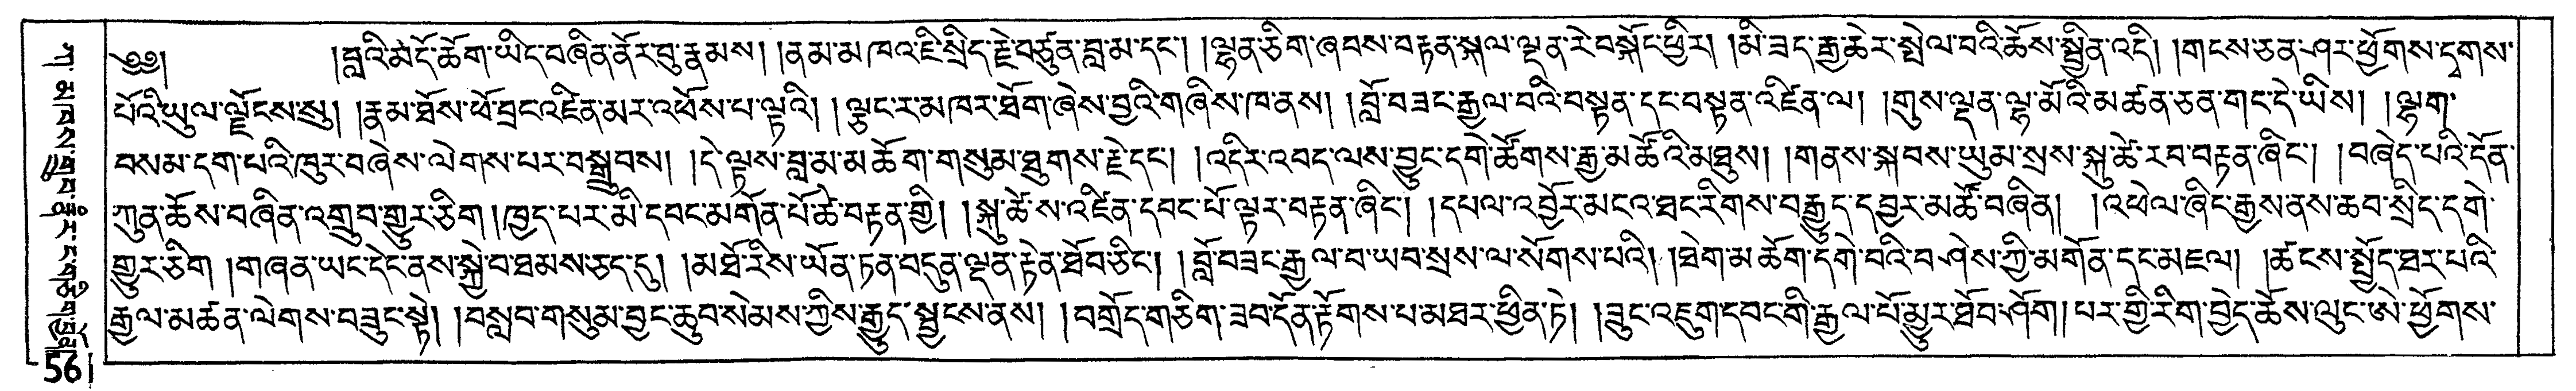༄༅། །བླའི་མདོ་ཆོག་ཡིད་བཞིན་ནོར་བུ་རྣམས། །ནམ་མཁའ་ཇི་སྲིད་རྗེ་བཙུན་བླ་མ་དང་། །ལྷན་ཅིག་ཞབས་བརྟན་སྐལ་ལྡན་རེ་བསྐོང་ཕྱིར། །མི་ཟད་རྒྱ་ཆེར་སྤེལ་བའི་ཆོས་སྦྱིན་འདི། །གངས་ཅན་ཤར་ཕྱོགས་དྭགས་
པོའི་ཡུལ་ལྗོངས་སུ། །རྣམ་ཐོས་ཕོ་བྲང་འཛིན་མར་འཕོས་པ་ལྟའི། །ལྕང་ར་མཁར་ཐོག་ཞེས་བྱའི་གཞིས་ཁ་ནས། །བློ་བཟང་རྒྱལ་བའི་བསྟན་དང་བསྟན་འཛིན་ལ། །གུས་ལྡན་ལྷ་མོའི་མཚན་ཅན་གང་དེ་ཡིས། །ལྷག་
བསམ་དག་པའི་ཁུར་བཞེས་ལེགས་པར་བསྒྲུབས། །དེ་ལྟས་བླ་མ་མཆོག་གསུམ་ཐུགས་རྗེ་དང་། །འདིར་འབད་ལས་བྱུང་དགེ་ཚོགས་རྒྱ་མཚོའི་མཐུས། །གནས་སྐབས་ཡུམ་སྲས་སྐུ་ཚེ་རབ་བརྟན་ཞིང་། །བཞེད་པའི་དོན་
ཀུན་ཆོས་བཞིན་འགྲུབ་གྱུར་ཅིག །ཁྱད་པར་མི་དབང་མགོན་པོ་ཚེ་བརྟན་གྱི། །སྐུ་ཚེ་ས་འཛིན་དབང་པོ་ལྟར་བརྟན་ཞིང་། །དཔལ་འབྱོར་མངའ་ཐང་རིགས་བརྒྱུད་དབྱར་མཚོ་བཞིན། །འཕེལ་ཞིང་རྒྱས་ནས་ཆབ་སྲིད་དགེ་
གྱུར་ཅིག །གཞན་ཡང་དེང་ནས་སྐྱེ་བ་ཐམས་ཅད་དུ། །མཐོ་རིས་ཡོན་ཏན་བདུན་ལྡན་རྟེན་ཐོབ་ཅིང་། །བློ་བཟང་རྒྱལ་བ་ཡབ་སྲས་ལ་སོགས་པའི། །ཐེག་མཆོག་དགེ་བའི་བཤེས་ཀྱི་མགོན་དང་མཇལ། །ཚངས་སྤྱོད་ཐར་པའི་
རྒྱལ་མཚན་ལེགས་བཟུང་སྟེ། །བསླབ་གསུམ་བྱང་ཆུབ་སེམས་ཀྱིས་རྒྱུད་སྦྱངས་ནས། །བགྲོད་གཅིག་ཟབ་དོན་རྟོགས་པ་མཐར་ཕྱིན་ཏེ། །ཟུང་འཇུག་དབང་གི་རྒྱལ་པོ་མྱུར་ཐོབ་ཤོག །པར་གྱི་རིག་བྱེད་ཆོས་ལུང་ཨེ་ཕྱོགས་